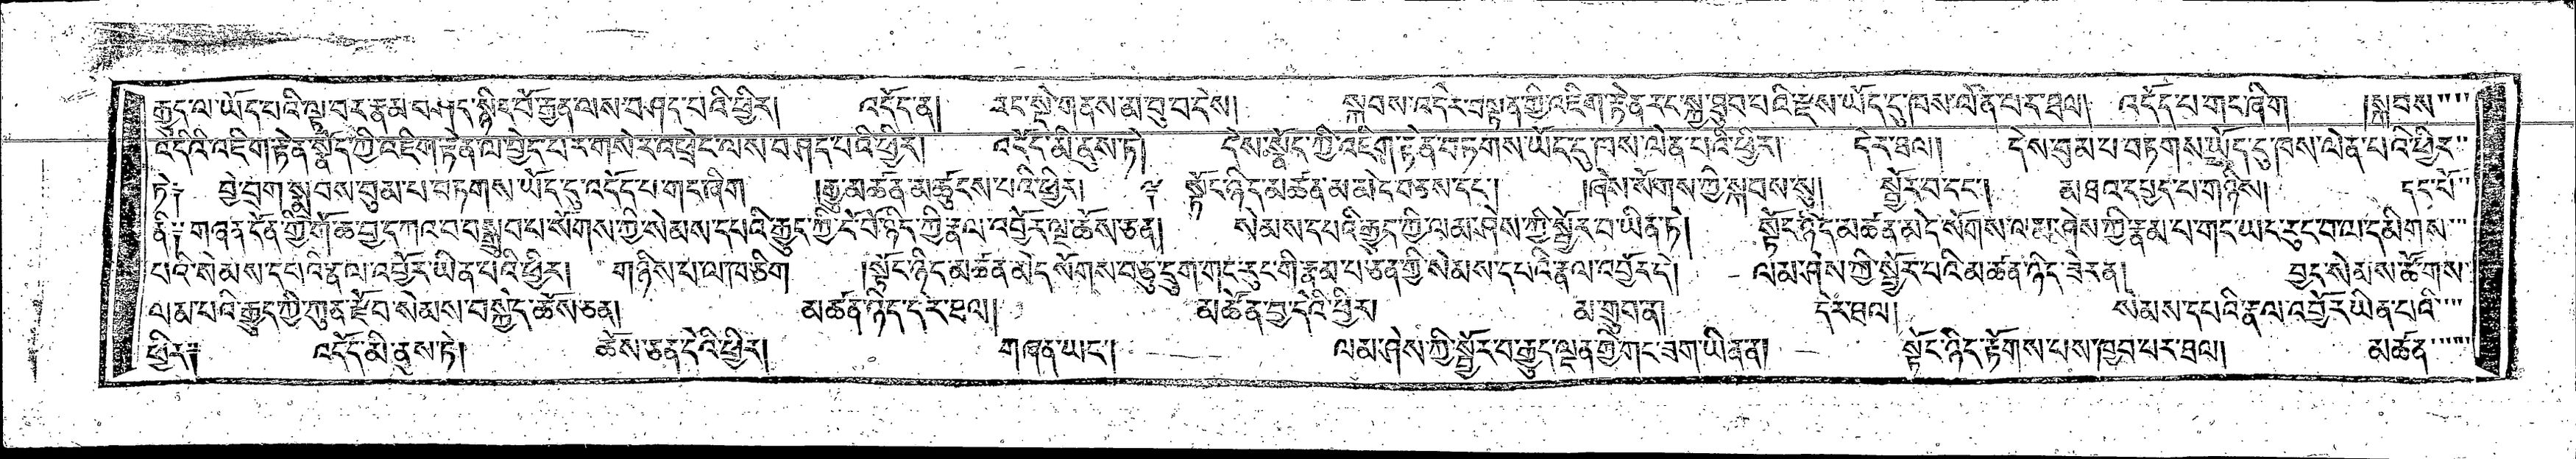རྒྱུད་ལ་ཡོད་པའི་ལྟ་བར་རྣམ་བཤད་སྙིང་པོ་རྒྱན་ལས་བཤད་པའི་ཕྱིར། འདོད་ན། རང་སྡེ་གནས་མ་བུ་བ་དེས། སྐབས་འདིར་བསྟན་གྱི་འཇིག་རྟེན་རང་སྐྱ་ཐུབ་པའི་རྫས་ཡོད་དུ་ཁས་ལེན་པར་ཐལ། འདོད་པ་གང་ཞིག །སྐབས་
འདིའི་འཇིག་རྟེན་སྣོད་ཀྱི་འཇིག་རྟེན་ལ་བྱེད་པར་གསེར་འཕྲེང་ལས་བཤད་པའི་ཕྱིར། འདོད་མི་ནུས་ཏེ། དེས་སྣོད་ཀྱི་འཇིག་རྟེན་བཏགས་ཡོད་དུ་ཁས་ལེན་པའི་ཕྱིར། དེར་ཐལ། དེས་བུམ་པ་བཏགས་ཡོད་དུ་ཁས་ལེན་པའི་ཕྱིར།
ཏེ༑ བྱེ་བྲག་སྨྲ་བས་བུམ་པ་བཏགས་ཡོད་དུ་འདོད་པ་གང་ཞིག །རྒྱུ་མཚན་མཚུངས་པའི་ཕྱིར། ༈ སྟོང་ཉིད་མཚན་མ་མེད་བཅས་དང་། །ཞེས་སོགས་ཀྱི་སྐབས་སུ། སྦྱོར་བ་དང་། མཐའ་དཔྱད་པ་གཉིས། དང་པོ་
ནི༑ གཞན་དོན་གྱི་གོ་ཆ་བྱ་དཀའ་བ་བསྒྲུབ་པ་སོགས་ཀྱི་སེམས་དཔའི་རྒྱུད་ཀྱི་ངོ་བོ་ཉིད་ཀྱི་རྣལ་འབྱོར་ལྔ་ཆོས་ཅན། སེམས་དཔའི་རྒྱུད་ཀྱི་ལམ་ཤེས་ཀྱི་སྦྱོར་བ་ཡིན་ཏེ། སྟོང་ཉིད་མཚན་མེད་སོགས་ལམ་ཤེས་ཀྱི་རྣམ་པ་གང་ཡང་རུང་བ་ལ་དམིགས་
པའི་སེམས་དཔའི་རྣལ་འབྱོར་ཡིན་པའི་ཕྱིར། གཉིས་པ་ལ་ཅིག། སྟོང་ཉིད་དེར་ཐལ། མཚོན་བྱ་དེའི་ཕྱིར། མ་གྲུབ་ན། དེར་ཐལ། སེམས་དཔའི་རྣལ་འབྱོར་ཡིན་པའི་
ལམ་པའི་རྒྱུད་ཀྱི་ཀུན་རྫོབ་སེམས་བསྐྱེད་ཆོས་ཅན། མཚན་ཉིད་དེར་ཐལ། མཚོན་བྱ་དེའི་ཕྱིར། མ་གྲུབ་ན། དེར་ཐལ། སེམས་དཔའི་རྣལ་འབྱོར་ཡིན་པའི་
ཕྱིར༑ འདོད་མི་ནུས་ཏེ། ཆོས་ཅན་དེའི་ཕྱིར། གཞན་ཡང་། ལམ་ཤེས་ཀྱི་སྦྱོར་བ་རྒྱུད་ལྡན་གྱི་གང་ཟག་ཡིན་ན། སྟོང་ཉིད་རྟོགས་པས་ཁྱབ་པར་ཐལ། མཚན།